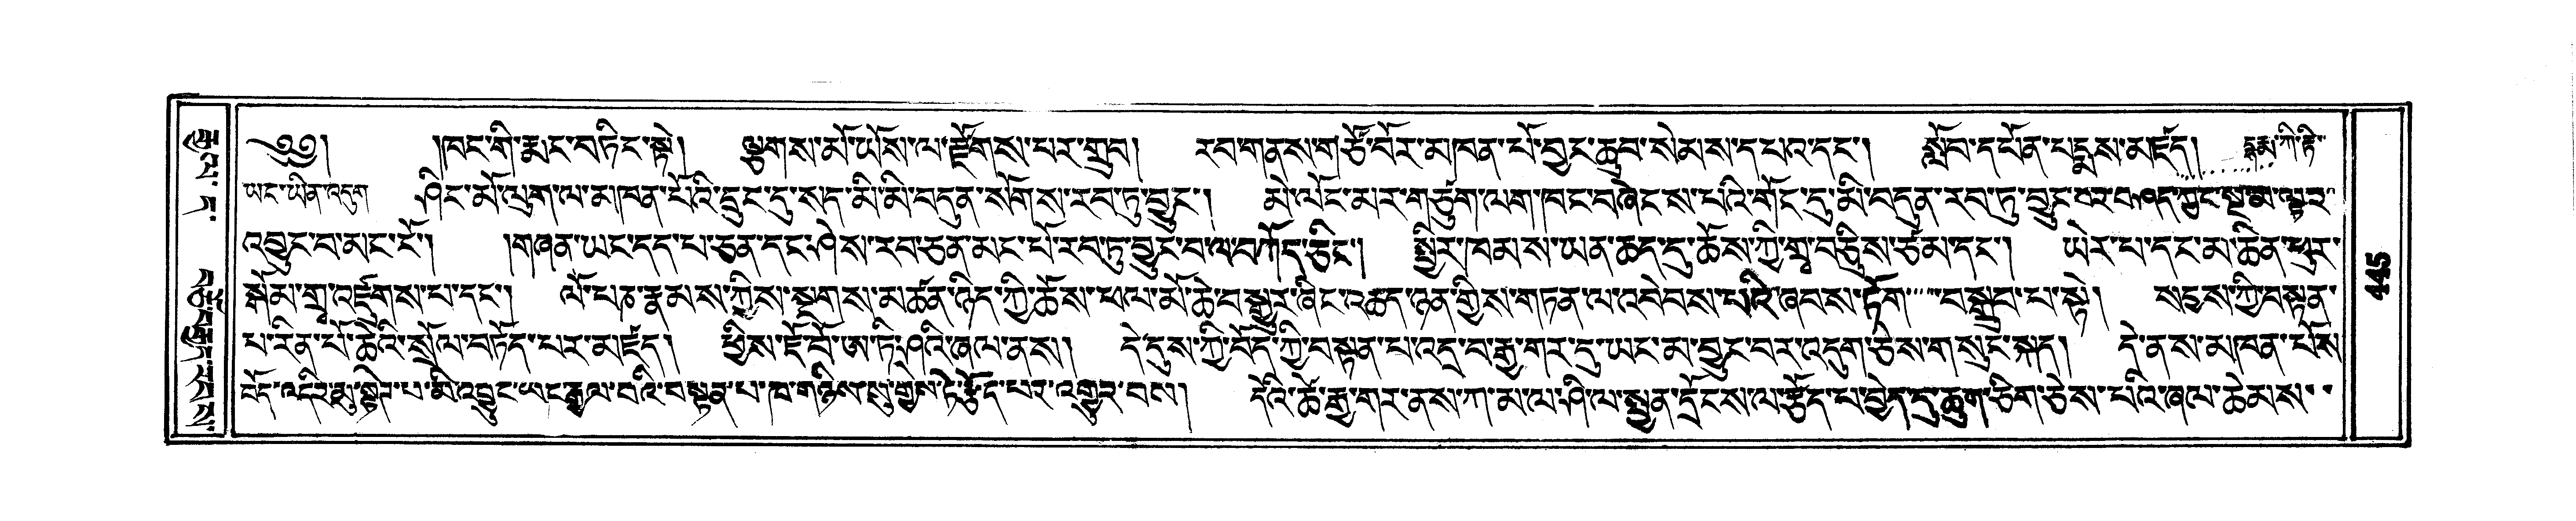༄༅། །ཁང་གི་རྨང་བཏིང་སྟེ། ལྕགས་མོ་ཡོས་ལ་རྫོགས་པར་གྲུབ། རབ་གནས་གཙོ་བོར་མཁན་པོ་བྱང་ཆུབ་སེམས་དཔའ་དང་། སློབ་དཔོན་པདམས་མཛད། དྷརྨ་ཀི་རྟི་
ཡང་ཡིན་འདུག་ཤིང་མོ་ལུག་ལ་མཁན་པོའི་དྲུང་དུ་སད་མི་མི་བདུན་སོགས་རབ་ཏུ་བྱུང་། མེ་ལོང་མར་གཙུག་ལག་ཁང་བཞེངས་ས་པའི་གོང་དུ་མི་བདུན་རབ་ཏུ་བྱུང་བར་བཤད་ཀྱང་སྔ་མ་ལྟར་
འབྱུང་བ་མང་ངོ། །གཞན་ཡང་དད་པ་ཅན་དང་ཤེས་རབ་ཅན་མང་པོ་རབ་ཏུ་བྱུང་བ་ལ་བཀོད་ཅིང་། སྤྱིར་ཁམས་ཡན་ཆད་དུ་ཆོས་ཀྱི་གྲྭ་བཅུཨིས་ཙམ་དང་། ཡེར་པ་དང་མ་ཆིན་ཕུར་
སྒོམ་གྲྭ་འཛུགས་པ་དང་། ལོ་པཎ་རྣམས་ཀྱིས་སྔགས་མཚན་ཉིད་ཀྱི་ཆོས་ཕལ་མོ་ཆེ་བསྒྱུར་ཞིང་འཆད་ཉན་གྱིས་གཏན་ལ་འབེབས་པའི་ཞབས་ཏོག་བསྒྲུབ་པ་སྟེ། སངྡྱས་ཀྱི་བསྟན་
པ་རིན་པོ་ཆེའི་སྲོལ་བཏོད་པར་མཛད། ཕྱིས་ཇོ་བོ་ཨ་ཏི་ཤའི་ཞལ་ནས། དེ་དུས་ཀྱི་བོད་ཀྱི་བསྟན་པ་འདྲ་བ་རྒྱ་གར་དུ་ཡང་མ་བྱུང་བར་འདུག་ཅེས་གསུང་སྐད། དེ་ནས་མཁན་པོས་
བོད་འདིར་མུ་སྟེཌ་པ་མི་འབྱུང་ཡང་རྒྱལ་བའི་བསྟན་པ་ཁ་གཉིས་སུ་གྱིས་ཏེ་རྩོད་པར་འགྱུར་བས། དེའི་ཚེ་རྒྱ་གར་ནས་ཀ་མ་ལ་ཤི་ལ་སྤྱན་དྲོངས་ལ་རྩོད་པ་བྱེད་དུ་ཆུག་ཅིག་ཅེས་པའི་ཞལ་ཆེམས་